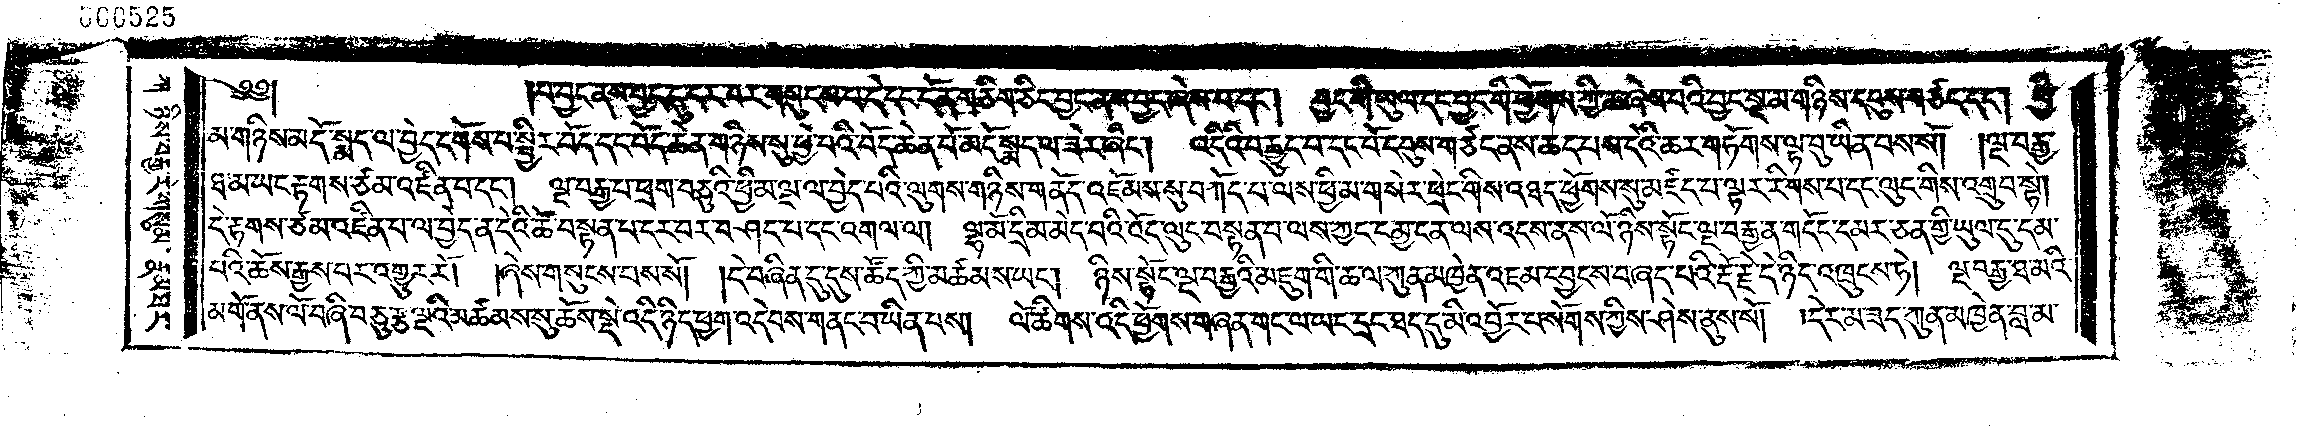༄༅། །པ་བྱང་ནས་བྱང་དུ་དར་བར་གསུངས་པ་དེ་དང་དོན་གཅིག་ཅིང་བྱང་ནས་བྱད་ཞེས་པ་དང་། བྱང་གི་ཡུལ་དང་བྱང་གི་ཕྱོགས་ཀྱི་ཆ་ཞེས་པའི་བྱང་སྔ་མ་གཉིས་དབུས་གཙང་དང་། ཕྱི་
མ་གཉིས་མདོ་སྨད་ལ་བྱེད་དགོས་པ་སྤྱིར་བོད་དང་བོད་ཆེན་གཉིས་སུ་ཕྱེ་པའི་བོད་ཆེན་པོ་མདོ་སྨད་ལ་ཟེར་ཞིང་། འདིའི་བརྒྱུད་པ་དང་པོ་དབུས་གཙང་ནས་ཆད་པས་དེའི་ཆར་གཏོགས་ལྟ་བུ་ཡིན་པས་སོ། །ལྔ་བརྒྱ་
ཐ་མ་ཡང་རྟགས་ཙམ་འཛིན་པ་དང་། ལྔ་བརྒྱ་པ་ཕྲག་བཅུའི་ཕྱི་མ་ལྔ་ལ་བྱེད་པའི་ལུགས་གཉིས་གནོད་འཇོམས་སུ་བཀོད་པ་ལས་ཕྱི་མ་གསེར་ཕྲེང་གིས་འཐད་ཕྱོགས་སུ་མཛད་པ་ལྟར་རིགས་པ་དང་ལུང་གིས་འགྲུབ་སྟེ།
དེ་རྟགས་ཙམ་འཛིན་པ་ལ་བྱེད་ན་དེའི་ཚེ་བསྟན་པ་དར་བར་བཤད་པ་དང་འགལ་ལ། ལྷ་མོ་དྲི་མ་མེད་པའི་འོད་ལུང་བསྟན་པ་ལས་ཀྱང་ང་མྱ་ངན་ལས་འདས་ནས་ལོ་ཉིས་སྟོང་ལྔ་བརྒྱན་གདོང་དམར་ཅན་གྱི་ཡུལ་དུ་དམ་
པའི་ཆོས་རྒྱས་པར་འགྱུར་རོ། །ཞེས་གསུངས་པས་སོ། །དེ་བཞིན་དུ་དུས་ཚོད་ཀྱི་མཚམས་ཡང་། ཉིས་སྟོང་ལྔ་བརྒྱའི་མཇུག་གི་ཆ་ལ་ཀུན་མཁྱེན་འཇམ་དབྱངས་བཞད་པའི་རྡོ་རྗེ་དེ་ཉིད་འཁྲུངས་ཏེ། ལྔ་བརྒྱ་ཐ་མའི་
མགོ་ནས་ལོ་བཞི་བཅུ་རྩ་ལྔའི་མཚམས་སུ་ཆོས་སྡེ་འདི་ཉིད་ཕྱག་འདེབས་གནང་བ་ཡིན་པས། ལོ་ཚིགས་འདི་ཕྱོགས་གཞན་གང་ལ་ཡང་དྲང་ཐད་དུ་མི་འབྱོར་པ་སོགས་ཀྱིས་ཤེས་ནུས་སོ། །དེར་མ་ཟད་ཀུན་མཁྱེན་བླ་མ་